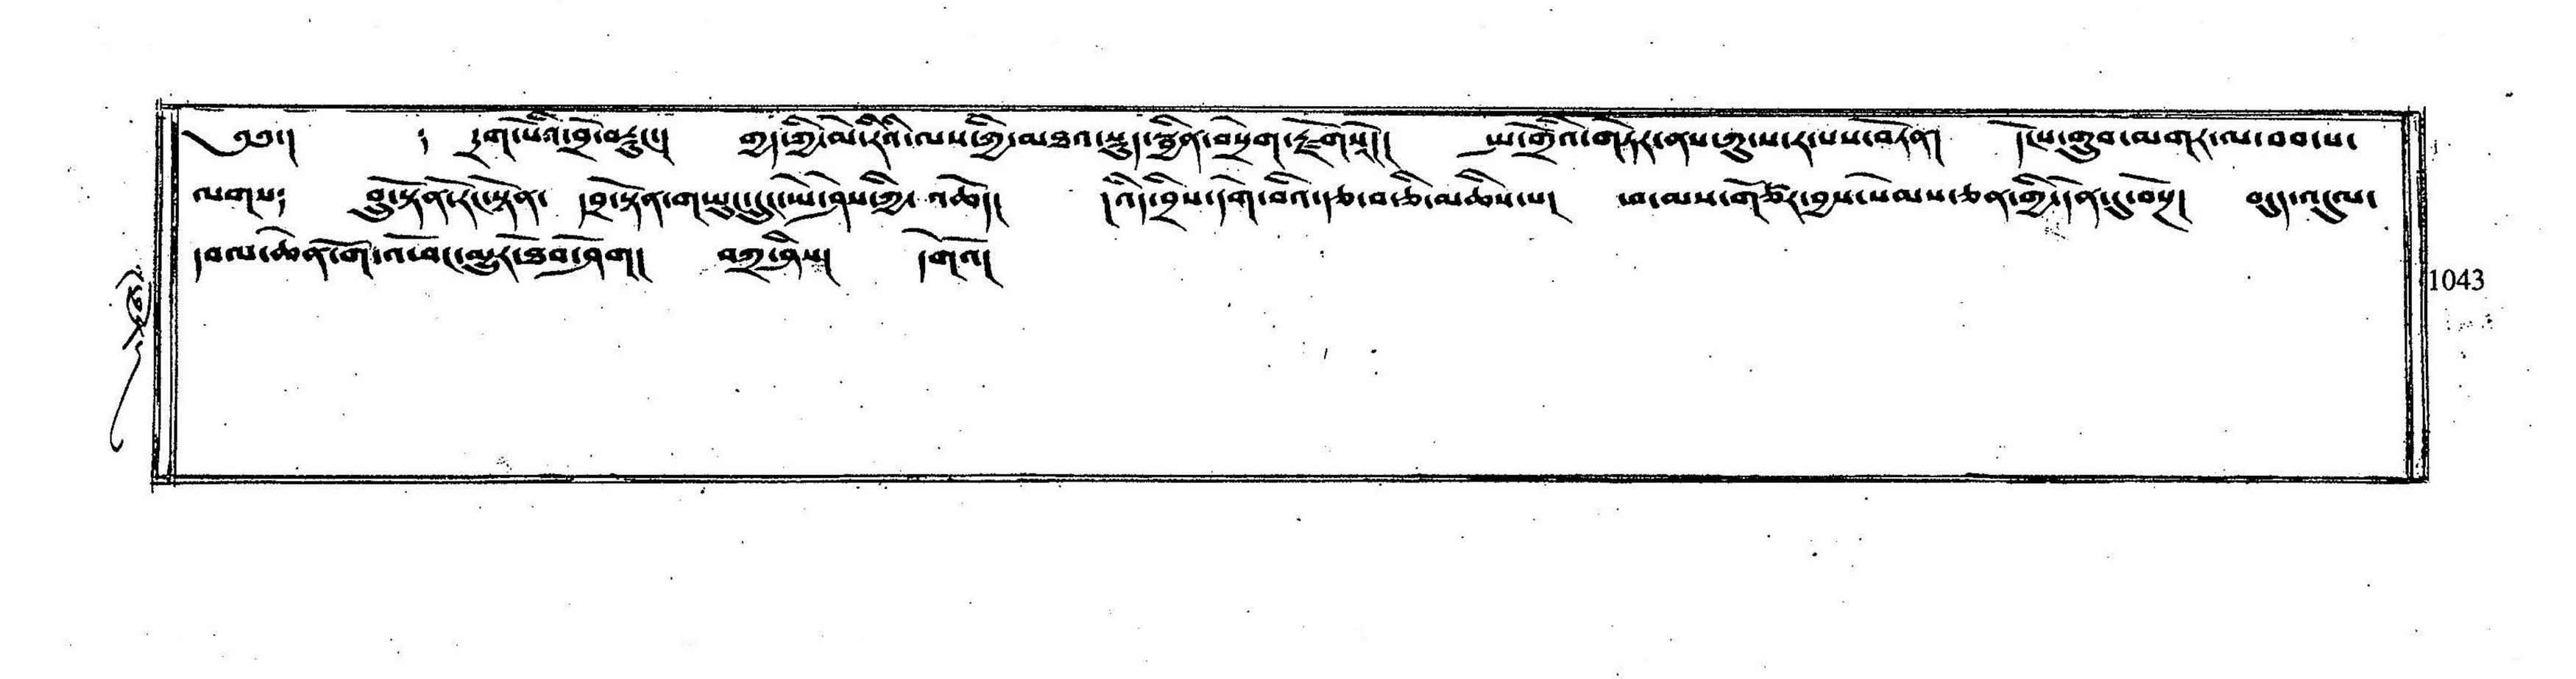དྲག་པོའི་བྲོ་བརྡུང་། གྱད་ཀྱི་མེ་རིའི་ལས་ཀྱི་མཐའ་སྡུད་སྦྱིན་བསྲེག་རྫོགས་སོ།། སྤ་གྲོའི་གཏེར་ནས་ཀུ་ས་ར་པས་བཏོན། དངོས་གྲུབ་མགར་ལ་བབ་པ་
ལགས། བྲུ་སྟོན་རོང་སྟོན། དབྲ་སྟོན་གཡུང་དྲུང་ཡེ་ཤེས་ཀྱི་འཆོད། །འདི་བྲིས་དགེ་བའི་རྩ་བ་ཅི་མཆིས་པ། ཕ་མས་གཙོར་བྱས་སེམས་ཅན་གྱི་དོན་དུ་བསྔོ། བདུད་འདུལ་
དབལ་ཆེན་གོ་འཕང་མྱུར་ཐོབ་ཤོག བཀྲ་ཤིས། དགེའོ།